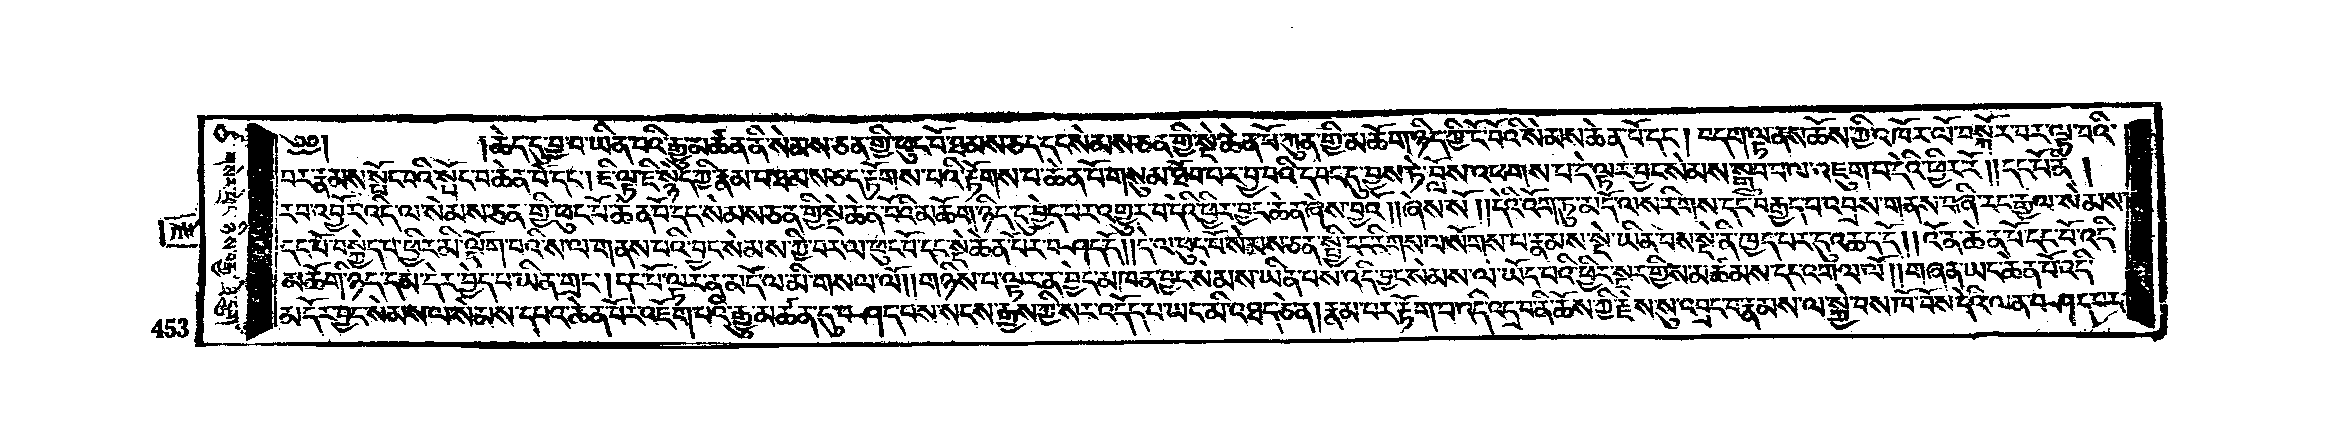༄༅། །ཆེད་དུ་བྱ་བ་ཡིན་པའི་རྒྱུ་མཚན་ནི་སེམས་ཅན་གྱི་ཕུང་པོ་ཐམས་ཅད་དང་སེམས་ཅན་གྱི་སྡེ་ཆེན་པོ་ཀུན་གྱི་མཆོག་ཉིད་ཀྱི་ངོ་བོའི་སེམས་ཆེན་པོ་དང་། བདག་ལྟ་ནས་ཆོས་ཀྱི་འཁོར་ལོ་བསྐོར་བར་ལྟ་བའི་
བར་རྣམས་སྤོང་བའི་སྤོང་བ་ཆེན་པོ་དང་། ཇི་ལྟ་ཇི་སྙེད་ཀྱི་རྣམ་པ་ཐམས་ཅད་རྟོགས་པའི་རྟོགས་པ་ཆེན་པོ་གསུམ་ཐོབ་པར་བྱ་བའི་དབང་དུ་བྱས་ཏེ་བློས་འཕགས་པ་དེ་ལྟར་བྱང་སེམས་སྒྲུབ་པ་ལ་འཇུག་པ་དེའི་ཕྱིར་རོ། །དང་པོ་ནི།
རབ་འབྱོར་འདི་ལ་སེམས་ཅན་གྱི་ཕུང་པོ་ཆེན་པོ་དང་སེམས་ཅན་གྱི་སྡེ་ཆེན་པོའི་མཆོག་ཉིད་དུ་བྱེད་པར་འགྱུར་བ་དེའི་ཕྱིར་བྱང་ཆེན་ཞེས་བྱའོ། །ཞེས་སོ། །དེའི་འོག་ཏུ་མདོ་ལས་རིགས་དང་བརྒྱད་པ་འབྲས་གནས་བཞི་རང་རྒྱལ་སེམས་
དང་པོ་བསྐྱེད་པ་ཕྱིར་མི་ལྡོག་པའི་ས་ལ་གནས་པའི་བྱང་སེམས་ཀྱི་བར་ལ་ཕུང་པོ་དང་སྡེ་ཆེན་པོར་བཤད་དོ། །དེ་ལ་ཕུང་པོ་སེམས་ཅན་སྤྱི་དང་རིགས་ལ་སོགས་པ་རྣམས་སྡེ་ཡིན་པས་སྡེ་ནི་ཁྱད་པར་དུ་འཆད་དོ། །འོ་ན་ཆེན་པོ་དང་པོ་འདི་
མཆོག་ཉིད་དམ་དེར་བྱེད་པ་ཡིན་གྲང་། དང་པོ་ལྟར་ན་མདོ་ལ་མི་གསལ་ལོ། །གཉིས་པ་ལྟར་ན་བྱེད་མཁན་བྱང་སེམས་ཡིན་པས་འདི་བྱང་སེམས་ལ་ཡོད་པའི་ཕྱིར་སྔར་གྱིས་མཚམས་དང་འགལ་ལོ། །གཞན་ཡང་ཆེན་པོ་འདི་
མདོར་བྱང་སེམས་ལ་སེམས་དཔའ་ཆེན་པོར་འཇོག་པའི་རྒྱུ་མཚན་དུ་བཤད་པས་སངས་རྒྱས་ཀྱི་སར་འདོད་པ་ཡང་མི་འཐད་ཅེ་ན། རྣམ་པར་རྟོག་པ་འདི་འདྲ་བ་ནི་ཆོས་ཀྱི་རྗེས་སུ་འབྲང་བ་རྣམས་ལ་སྐྱེ་བས་ཁོ་བོས་དེའི་ལན་བཤད་པར་